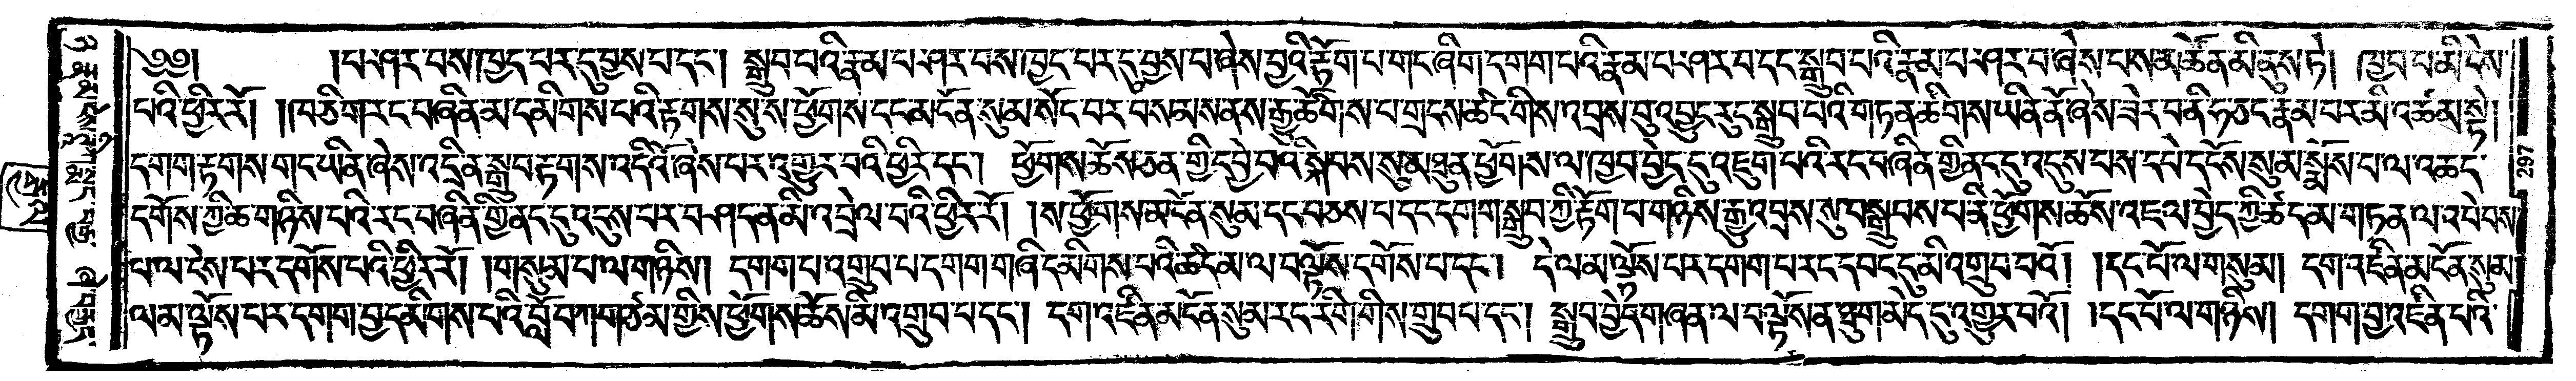༄༅། །པ་ཤར་བས་ཁྱད་པར་དུ་བྱས་པ་དང་། སྒྲུབ་པའི་རྣམ་པ་ཤར་བས་ཁྱད་པར་དུ་བྱས་པ་ཞེས་བྱའི་རྟོག་པ་གང་ཞིག་དགག་པའི་རྣམ་པ་ཤར་བ་དང་སྒྲུབ་པའི་རྣམ་པ་ཤར་བ་ཞེས་པས་མཚོན་མི་ནུས་ཏེ། ཁྱབ་པ་མི་ངེས་
པའི་ཕྱིར་རོ། །ཁ་ཅིག་རང་བཞིན་མ་དམིགས་པའི་རྟགས་སུ་ས་ཕྱོགས་དང་མངོན་སུམ་སོང་བར་བསམས་ནས་རྒྱུ་ཚོགས་པ་གྲངས་ཚང་གིས་འབྲས་བུ་འབྱུང་རུང་སྒྲུབ་པའི་གཏན་ཚིགས་ཡིན་ནོ་ཞེས་ཟེར་བ་ནི་ཧ་ཅང་རྣམ་པར་མི་འཚམ་སྟེ།
དགག་རྟགས་གང་ཡིན་ཞེས་འདྲི་ན་སྒྲུབ་རྟགས་འདིའོ་ཞེས་པར་འགྱུར་བའི་ཕྱིར་དང་། ཕྱོགས་ཆོས་ཅན་གྱི་དབྱེ་བའི་སྐབས་སུ་མཐུན་ཕྱོགས་ལ་ཁྱབ་བྱེད་དུ་འཇུག་པའི་རང་བཞིན་གྱི་ནང་དུ་འདུས་པས་དཔེ་དངོས་སུམ་སྨོས་པ་ལ་འཆད་
དགོས་ཀྱི་ཆ་གཉིས་པའི་རང་བཞིན་གྱི་ནང་དུ་འདུས་པར་བཤད་ན་མི་འབྲེལ་བའི་ཕྱིར་རོ། །ས་ཕྱོགས་མངོན་སུམ་དང་བཅས་པ་དང་དགག་སྒྲུབ་ཀྱི་རྟོག་པ་གཉིས་རྒྱུ་འབྲས་སུ་བསྒྲུབས་པ་ནི་ཕྱོགས་ཆོས་འཇལ་བྱེད་ཀྱི་ཚད་མ་གཏན་ལ་འབེབས་
པ་ལ་ངེས་པར་དགོས་པའི་ཕྱིར་རོ། །གསུམ་པ་ལ་གཉིས། དགག་པ་འགྲུབ་པ་དགག་གཞི་དམིགས་པའི་ཚད་མ་ལ་བལྟོས་དགོས་པ་དང་། དེ་ལ་མ་ལྟོས་པར་དགག་པ་རང་དབང་དུ་མི་འགྲུབ་བའོ། །དང་པོ་ལ་གསུམ། དག་འཛིན་མངོན་སུམ་
ལ་མ་ལྟོས་པར་དགག་བྱ་དམིགས་པའི་བློ་བཀག་ཙམ་གྱིས་ཕྱོགས་ཆོས་མི་འགྲུབ་པ་དང་། དག་འཛིན་མངོན་སུམ་རང་རིག་གིས་གྲུབ་པ་དང་། སྒྲུབ་བྱེད་གཞན་ལ་བལྟོས་ན་ཐུག་མེད་དུ་འགྱུར་བའོ། །དང་པོ་ལ་གཉིས། དགག་བྱ་འཛིན་པའི་